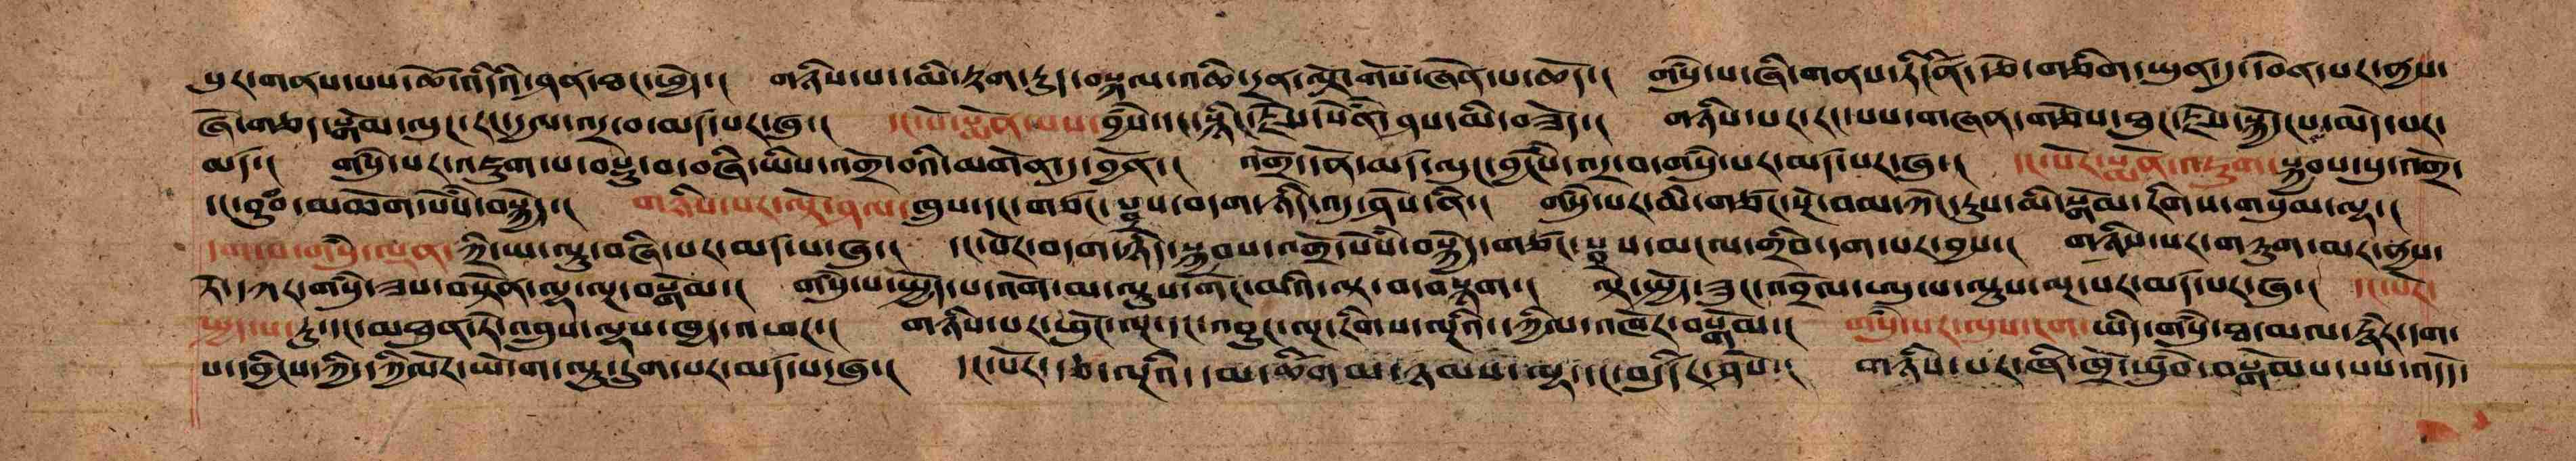པུར་གནས་པས་ཚེ་འདིའི་ཤན་ཐང་ཕྱེད། གཉིས་པ་མི་རྟག་དྱུད་བསྐལ་འཆི་དྲན་ལྟོ་གོས་ཞེན་པ་ཆོད། གསུམ་པ་ཞི་གནས་ཏིང་འཛིན་རྩེ་གཅིག་ཡུན་དུ་དབེན་པར་གནས་
ཞེ་གཅད་སྒོམ་ལུགས་རང་རྒྱལ་འདྲ་བ་མཛད་པར་ཞུ། དང་པོ་སྨོན་པས་བྱམས་དང་སྙིང་རྗེས་སེམས་ཅན་ཤས་མི་བཟོད། གཉིས་པར་རང་པས་གཞན་གཅེས་ཐུགས་རྗེས་སྐྱོ་ངས་མེད་པར་
མཛད། གསུམ་པར་འཇུག་པ་བསྡུ་བ་བཞི་ཡིས་འགྲོ་བའི་མགོན་དུ་བྱོན། འགྲོ་དོན་མཛད་ལུང་བྱང་སེམས་འདྲ་བ་གསུམ་པར་མཛད་པར་ཞུ། དང་པོར་སྨོན་འཇུག་སྐྱབས་སུ་འགྲོ་
དང་བྱང་ཆུབ་མཆོག་སེམས་བསྐྱེད་། གཉིས་པར་ལྟོ་ཤལ་ཁྲུས་དང་གཙང་སྦྲས་བདག་ཉིད་འདུ་ཤེས་ནི། གསུམ་པར་མི་གཙང་སྔོ་བམ་ཀེང་རུས་མི་སྒོམ་རིགས་གསུམ་ལྷ། 
དག་པ་གསུམ་ལྡན་ཀྲི་ཡ་ལྟ་བུ་བཞི་པར་མཛད་པ་ཞུ། དང་པོར་བདག་ཉིད་སྐྱབས་འགྲོ་སེམས་བསྐྱེད་གཙང་སྦྲས་མངལ་གྲིབ་དག་པར་བྱས། གཉིས་པར་གཉུག་མར་གནས་
ཏེ་དཀར་གསུམ་ཟས་བསྟེན་ལྷ་ལྔ་བསྒོམ། གསུམ་པ་སྤྱོད་པ་འོག་མ་ལྟ་བུས་གོང་མའི་ལྟ་བ་བསྙག། ལྟ་སྤྱོད་ཟུང་འབྲེལ་ཨུ་པ་ལྟ་བུས་ལྔ་པར་མཛད་པར་ཞུ། དང་པོར་
སྤྱད་པ་རུ་དང་མཐུན་ཏེ་འབྲུས་ལྷས་ཁྱད་འཕགས། གཉིས་པར་ཕུང་པོ་ལྔ་དང་འབྱུང་ལྔ་རིགས་ལྔའི་དཀྱིལ་བསྒོམ། གསུམ་པར་ལུས་ངག་ཡིད་གསུམ་ཐ་མལ་རྣམ་པར་དག་
པ་དབྱིངས་ཀྱི་དཀྱིལ་འཁོར་ཡོ་ག་ལྟ་བུ་དྲུག་པར་མཛད་པ་ཞུ། དང་པོར་རྩ་ལྔའི་དམ་ཚིག་མ་ཉམས་ལྷ་དང་བདུད་རྩིར་ཤེས། གཉིས་པར་ཞི་ཁྲོ་ཡབ་ཡུམ་བསྒོམས་པས་འདོད་